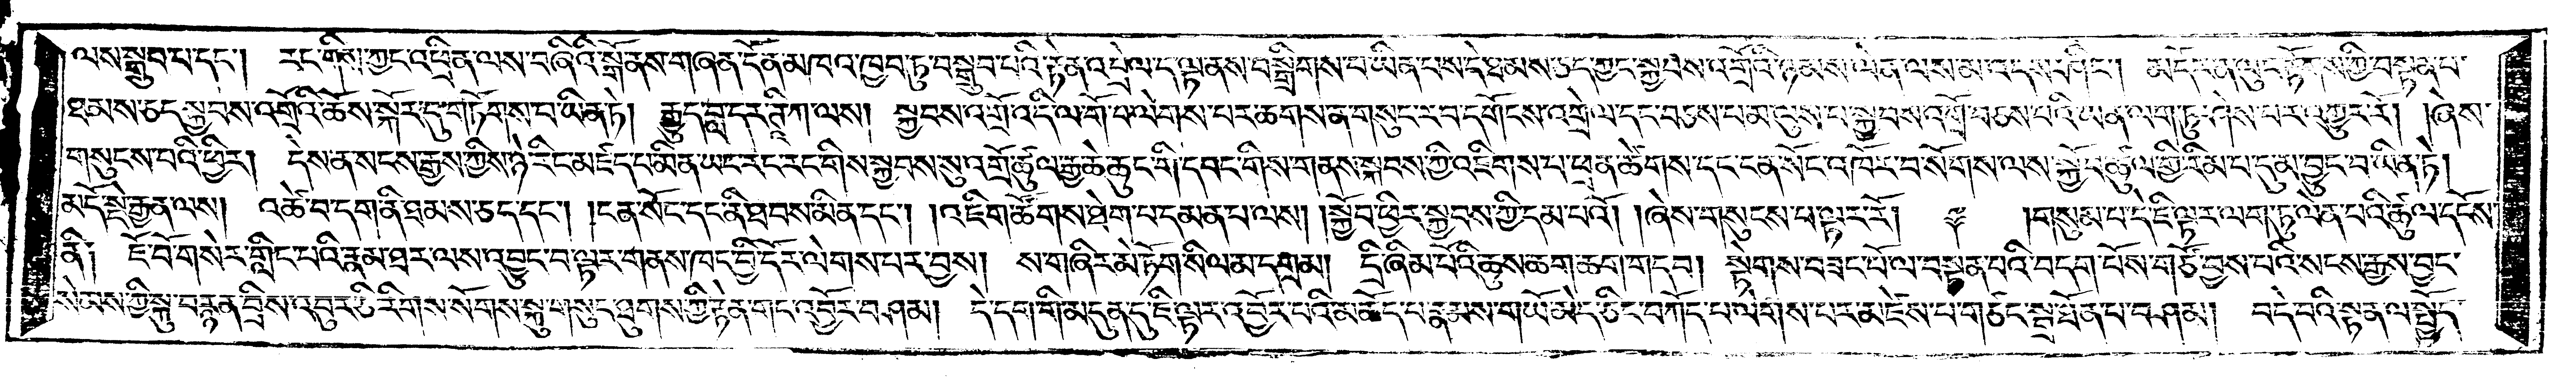ལས་སྒྲུབ་པ་དང་། རང་གིས་ཀྱང་འཕྲིན་ལས་བཞིའི་སྒོ་ནས་གཞན་དོན་མཁའ་ཁྱབ་ཏུ་བསྒྲུབ་པའི་རྟེན་འབྲེལ་ད་ལྟ་ནས་བསྒྲིགས་པ་ཡིན་པས་དེ་ཐམས་ཅད་ཀྱང་སྐྱབས་འགྲོའི་ཉམས་ལེན་ལས་མ་འདས་ཤིང་། མདོར་ན་ལུང་རྟོགས་ཀྱི་བསྟན་པ་
ཐམས་ཅད་སྐྱབས་འགྲོའི་ཆོས་སྐོར་དུ་གཏོགས་པ་ཡིན་ཏེ། རྒྱུད་བླ་དང་ཊཱིཀ་ལས། སྐྱབས་འགྲོ་འདི་ལ་གོ་བ་ལེགས་པར་ཆགས་ན་གསུང་རབ་དགོངས་འགྲེལ་དང་བཅས་པ་མ་ལུས་པ་སྐྱབས་འགྲོ་བཅས་པའི་ཡན་ལག་ཏུ་ཤེས་པར་འགྱུར་རོ། །ཞེས་
གསུངས་བའི་ཕྱིར། དེས་ན་སངས་རྒྱས་ཀྱིས་ཉེ་རིང་མཛད་པ་མིན་ཡང་རང་རང་གིས་སྐྱབས་སུ་འགྲོ་ཚུལ་རྒྱ་ཆེ་ཆུང་གི་དབང་གིས་གནས་སྐབས་ཀྱི་འཇིགས་པ་ཕྲན་ཚེགས་དང་ངན་སོང་འཁོར་བ་སོགས་ལས་སྐྱོབ་ཚུལ་གྱི་རིམ་པ་དུ་མ་བྱུང་བ་ཡིན་ཏེ།
མདོ་སྡེ་རྒྱན་ལས། འཚེ་བ་དག་ནི་ཐམས་ཅད་དང་། །ངན་སོང་དང་ནི་ཐབས་མིན་དང་། །འཇིག་ཚོགས་ཐེག་པ་དམན་པ་ལས། །སྐྱོབ་ཕྱིར་སྐྱབས་ཀྱི་དམ་པའོ། །ཞེས་གསུངས་པ་ལྟར་རོ། ༈ །གསུམ་པ་དེ་ཇི་ལྟར་ལག་ཏུ་ལེན་པའི་ཚུལ་དངོས་
ནི༑ ཇོ་བོ་གསེར་གླིང་པའི་རྣམ་ཐར་ལས་འབྱུང་བ་ལྟར་གནས་ཁད་བྱི་དོར་ལེགས་པར་བྱས། ས་གཞིར་མེ་ཏོག་སིལ་མ་དགྲམ། དྲི་ཞིམ་པོའི་ཆུས་ཆག་ཆག་གདབ། སྟེགས་བཟང་པོ་ལ་བསྟན་པའི་བདག་པོས་གཙོ་བྱས་པའི་སངས་རྒྱས་བྱང་
སེམས་ཀྱི་སྐུ་བརྙན་བྲིས་འབུར་ཅི་རིགས་སོགས་སྐུ་གསུང་ཐུགས་ཀྱི་རྟེན་གང་འབྱོར་བཤམ། དེ་དག་གི་མདུན་དུ་ཇི་ལྟར་འབྱོར་པའི་མཆོད་པ་རྣམས་གཡོ་མེད་ཅིང་བཀོད་པ་ལེགས་པར་མཛེས་པ་གཙང་སྒྲ་ཐོན་པ་བཤམ། བདེ་བའི་སྟན་ལ་སྤྱོད་